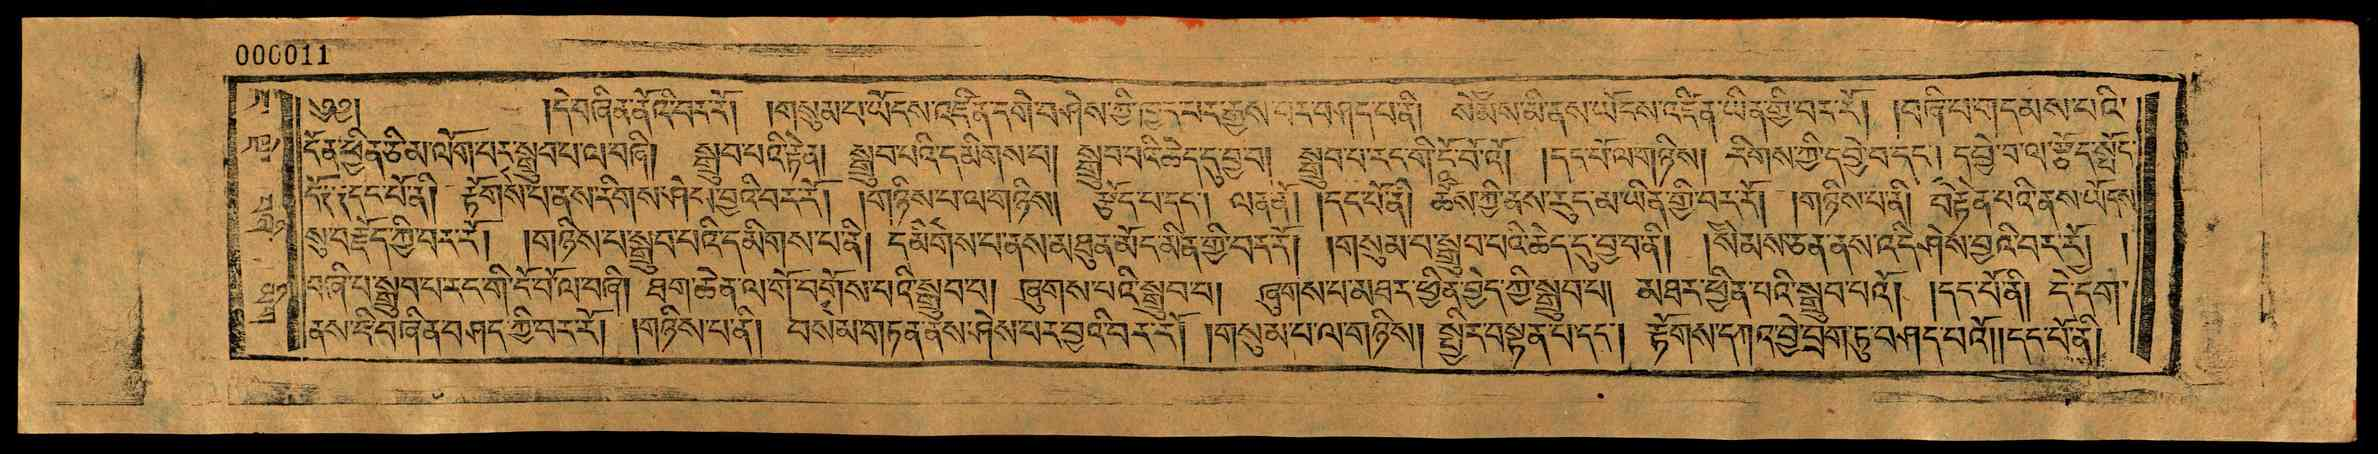༄༅། །དེ་བཞིན་ནོའི་བར་རོ། །གསུམ་པ་ཡོངས་འཛིན་དགེ་བཤེས་ཀྱི་ཁྱད་པར་རྒྱས་བར་བཤད་པ་ནི། སེམས་མི་ནས་ཡོངས་འཛིན་ཡིན་གྱི་བར་རོ། །བཞི་པ་གདམས་པའི་
དོན་ཕྱིན་ཅི་མ་ལོག་པར་སྒྲུབ་པ་ལ་བཞི། སྒྲུབ་པའི་རྟེན། སྒྲུབ་པའི་དམིགས་པ། སྒྲུབ་པའི་ཆེད་དུ་བྱ་བ། སྒྲུབ་པ་རང་གི་ངོ་བོའི། །དང་པོ་ལ་གཉིས། རིགས་ཀྱི་དབྱེ་བ་དང་། དབྱེ་བ་ལ་རྩོད་སྤོང་
ངོ༑ ༑དང་པོ་ནི། རྟོགས་པ་ནས་རིགས་ཤེས་བྱའི་བར་རོ། །གཉིས་པ་ལ་གཉིས། རྩོད་པ་དང་། ལན་ནོ། །དང་པོ་ནི། ཆོས་ཀྱི་ནས་རུང་མ་ཡིན་གྱི་བར་རོ། །གཉིས་པ་ནི། བརྟེན་པའི་ནས་ཡོངས་
སུ་བརྗོད་ཀྱི་བར་རོ། །གཉིས་པ་སྒྲུབ་པའི་དམིགས་པ་ནི། དམིགས་པ་ནས་མཐུན་མོང་མིན་གྱི་བར་རོ། །གསུམ་པ་སྒྲུབ་པའི་ཆེད་དུ་བྱ་བ་ནི། །སེམས་ཅན་ནས་འདི་ཤེས་བྱའི་བར་རོ། །
བཞི་པ་སྒྲུབ་པ་རང་གི་ངོ་བོ་ལ་བཞི། ཐེག་ཆེན་ལ་གོ་བགོས་པའི་སྒྲུབ་པ། ཞུགས་པའི་སྒྲུབ་པ། ཞུགས་པ་མཐར་ཕྱིན་བྱེད་ཀྱི་སྒྲུབ་པ། མཐར་ཕྱིན་པའི་སྒྲུབ་པའོ། །དང་པོ་ནི། དེ་དག་
ནས་ཇི་བཞིན་བཤད་ཀྱི་བར་རོ། །གཉིས་པ་ནི། བསམ་གཏན་ནས་ཤེས་པར་བྱའི་བར་རོ། །གསུམ་པ་ལ་གཉིས། སྤྱིར་བསྟན་པ་དང་། རྟོགས་དཀའ་བྱེ་བྲག་ཏུ་བཤད་པའོ། །དང་པོ་ནི།